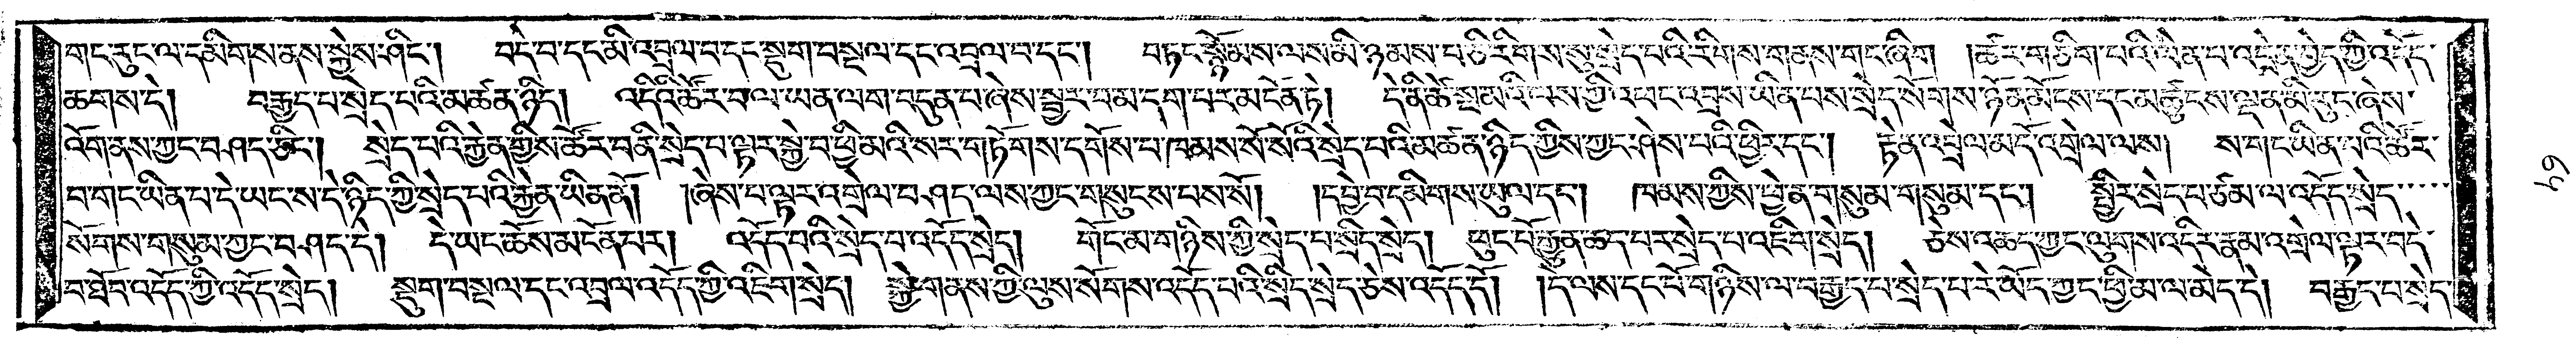གང་རུང་ལ་དམིགས་ནས་སྐྱེས་ཤིང་། བདེ་བ་དང་མི་འབྲལ་བ་དང་སྡུག་བསྔལ་དང་འབྲལ་བ་དང་། བཏང་སྙོམས་ལས་མི་ཉམས་བ་ཅི་རིགས་སུ་སྲེད་པའི་རིགས་གནས་གང་ཞིག །ཚར་གཅིག་པའི་ལེན་པ་འདྲེན་བྱེད་ཀྱི་འདོད་
ཆགས་དེ། བརྒྱུད་པ་སྲེད་པའི་མཚན་ཉིད། འདིའི་ཚོར་བ་ལ་ཡན་ལག་བདུན་པ་ཞེས་སྦྱར་བ་མ་དག་པར་མངོན་ཏེ། དེ་ནི་ཚེ་སྔ་མའི་ལས་ཀྱི་འཕང་འབྲས་ཡིན་པས་སྲེད་སོགས་ཉོན་མོངས་དང་མཚུངས་ལྡན་མི་རུང་ཞེས་
འོག་ནས་ཀྱང་བཤད་ཅིང་། སྲེད་པའི་རྐྱེན་གྱིས་ཚོར་བ་ནི་སྲེད་པ་ལྟར་སྐྱེ་བ་ཕྱི་མའི་སར་གཏོགས་དགོས་པ་ཁམས་སོ་སོའི་སྲེད་པའི་མཚན་ཉིད་ཀྱིས་ཀྱང་ཤེས་པའི་ཕྱིར་དང་། རྟེན་འབྲེལ་མདོ་འགྲེལ་ལས། ས་གང་ཡིན་པའི་ཚོར་
བ་གང་ཡིན་པ་དེ་ཡང་ས་དེ་ཉིད་ཀྱི་སྲེད་པའི་རྐྱེན་ཡིན་ནོ། །ཞེས་པ་ལྟར་འགྲེལ་བཤད་ལས་ཀྱང་གསུངས་པས་སོ། །དབྱེ་བ་དམིགས་ཡུལ་དང་། ཁམས་ཀྱིས་ཕྱེ་ན་གསུམ་གསུམ་དང་། སྤྱིར་སྲེད་པ་ཙམ་ལ་འདོད་སྲེད་
སོགས་གསུམ་ཀྱང་བཤད་དེ། དེ་ཡང་ཆོས་མངོན་པར། འདོད་པའི་སྲེད་བ་འདོད་སྲེད། གོང་མ་གཉིས་ཀྱི་སྲེད་པ་སྲིད་སྲེད། ཕུང་པོ་རྒྱུན་ཆད་བར་སྲེད་པ་འཇིག་སྲེད། ཅེས་འཆད་ཀྱང་ལུགས་འདིར་རྣམ་འགྲེལ་ལྟར་བདེ་
བ་ཐོབ་འདོད་ཀྱི་འདོད་སྲེད། སྡུག་བསྔལ་དང་འབྲལ་འདོད་ཀྱི་འཇིག་སྲེད། སྐྱེ་གནས་ཀྱི་ལུས་སོགས་འདོད་པའི་སྲིད་སྲེད་ཅེས་འདོད་དོ། །དེ་ལས་དང་པོ་གཉིས་ལ་བརྒྱད་པ་སྲེད་པ་རེ་ཡོད་ཀྱང་ཕྱི་མ་ལ་མེད་དེ། བརྒྱད་བསྲེད་